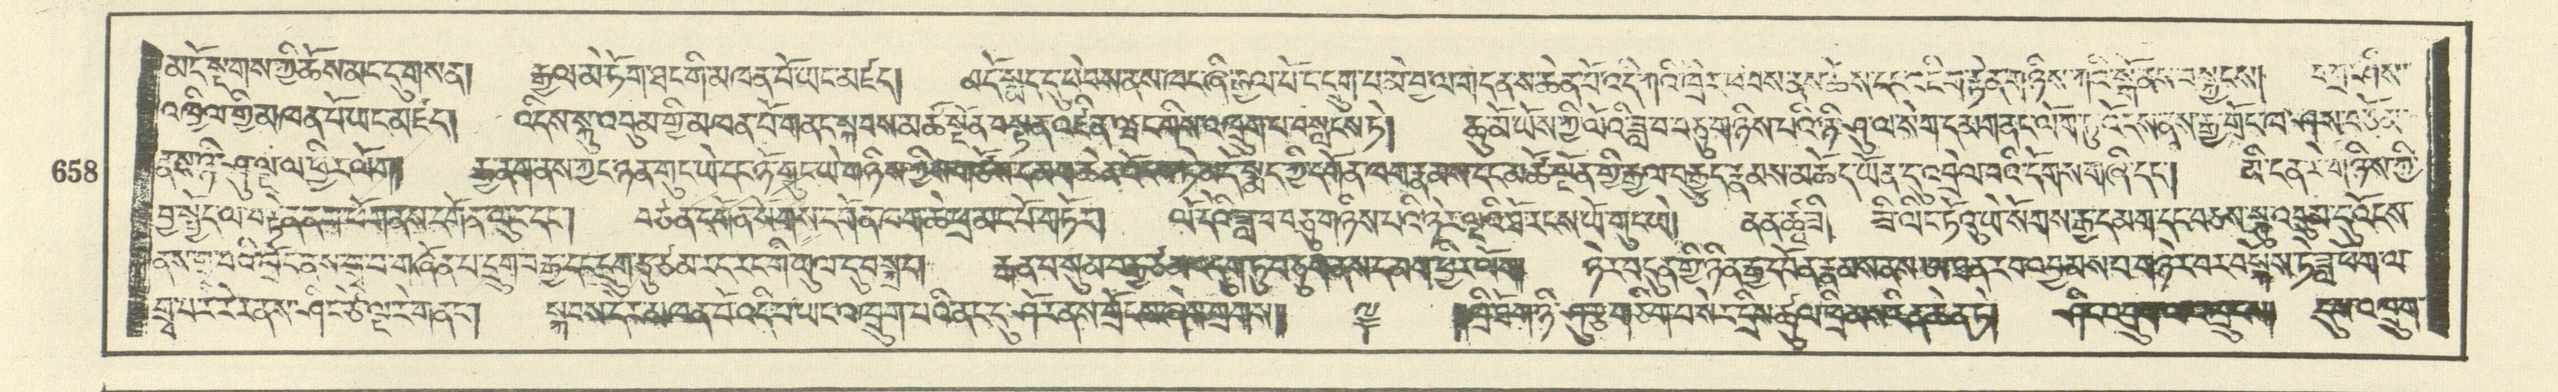མདོ་སྔགས་ཀྱི་ཆོས་མང་དུ་གསན། རྒྱལ་མེ་ཏོག་ཐང་གི་མཁན་པོ་ཡང་མཛད། མདོ་སྨད་དུ་ཕེབས་ནས་ཁང་ཞི་རྒྱལ་པོ་ང་དྲུག་པ་མེ་བྱ་ལ་གདན་ས་ཆེན་པོ་འདི་ཀའི་ཁྲིར་ཕེབས་ནས་ཆོས་དང་འཇིག་རྟེན་གཉིས་ཀའི་སྒོ་ནས་བསྐྱངས། བཀྲ་ཤིས་
འཁྱིལ་གྱི་མཁན་པོ་ཡང་མཛད། འདིས་སྐུ་འབུམ་གྱི་མཁན་པོ་གནང་སྐབས་མཚོ་སྔོན་བསྟན་འཛིན་ཝང་གིས་འཁྲུག་པ་བསླངས་ཏེ། ཆུ་མོ་ཡོས་ཀྱི་ལོའི་ཟླ་བ་བཅུ་གཉིས་པའི་ཉི་ཤུ་ལ་སེག་དམག་ནང་ལོག་ཏུ་འོངས་ནས་རྒྱ་གྲོང་ཁ་ཤས་བཅོམ་
ནས་ཉི་ཤུ་ལྔ་ལ་ཕྱིར་ལོག། རྒྱ་ནག་ནས་ཀྱང་ཉན་གུང་ཡེ་དང་ཉོ་གུང་ཡེ་གཉིས་ཀྱིས་གཙོས་དམག་ཆེན་འོངས་ཏེ་མདོ་སྨད་ཀྱི་དགོན་ཁག་རྣམས་དང་མཚོ་སྔོན་གྱི་རྒྱལ་བརྒྱུད་རྣམས་མཆོད་ཡོན་དུ་འབྲེལ་བའི་དོགས་གཞི་དང་། མི་ངན་རེ་གཉིས་ཀྱི་
བྱ་སྤྱོད་ལ་བརྟེན་ནག་ཕོག་ནས་དགོན་ལུང་དང་། བཙན་དགོན་སོགས་དགོན་ཁག་ཆེ་ཕྲ་མང་པོ་གཏོར། ལོ་དེའི་ཟླ་བ་བཅུ་གཉིས་པའི་ཉེར་ལྔའི་ཐོ་རངས་ཡོ་གུང་ཡེ། ནན་ཚཱ་ཟི། ཟི་ལིང་ཏོའུ་ཡེ་སོགས་རྒྱ་དམག་དང་བཅས་སྐུ་འབུམ་དུ་འོངས་
ནས་གྲྭ་པའི་ཁྲོད་ནས་གྲྭ་བ་གཞོན་པ་དྲུག་བརྒྱ་དང་དྲུག་ཅུ་ཙམ་རང་རང་གི་ཡུལ་དུ་བསྐྲད། རྒན་པ་སུམ་བརྒྱ་ཙམ་འདུག་ཏུ་བཅུག་ནས་དམག་ཕྱིར་ལོག། ཉེར་བདུན་གྱི་ཉིན་རྒྱ་དབོན་རྣམས་ནས་ཨ་ཐན་རབ་འབྱམས་བ་གཉེར་བར་བསྐོས་ཏེ་ཟླ་ཕོག་ལ་
གྲྭ་པ་རེ་རེར་ནས་ཤིང་ཙེ་ལྔ་རེ་གནང་། སྐབས་དེར་མཁན་པོ་འདི་པ་ཡང་འཁྲུག་པའི་ནང་དུ་ཤོར་ནས་གྲོངས་ཞེས་གྲགས།། ༈ །།ཁྲི་ཐོག་ཉི་ཤུ་རྩ་གཅིག་པ་སེར་དྲིས་ཚུལ་ཁྲིམས་རིན་ཆེན་ཏེ། ཤིང་འབྲུག་ལ་འཁྲུངས། དུས་འཁྲུག་